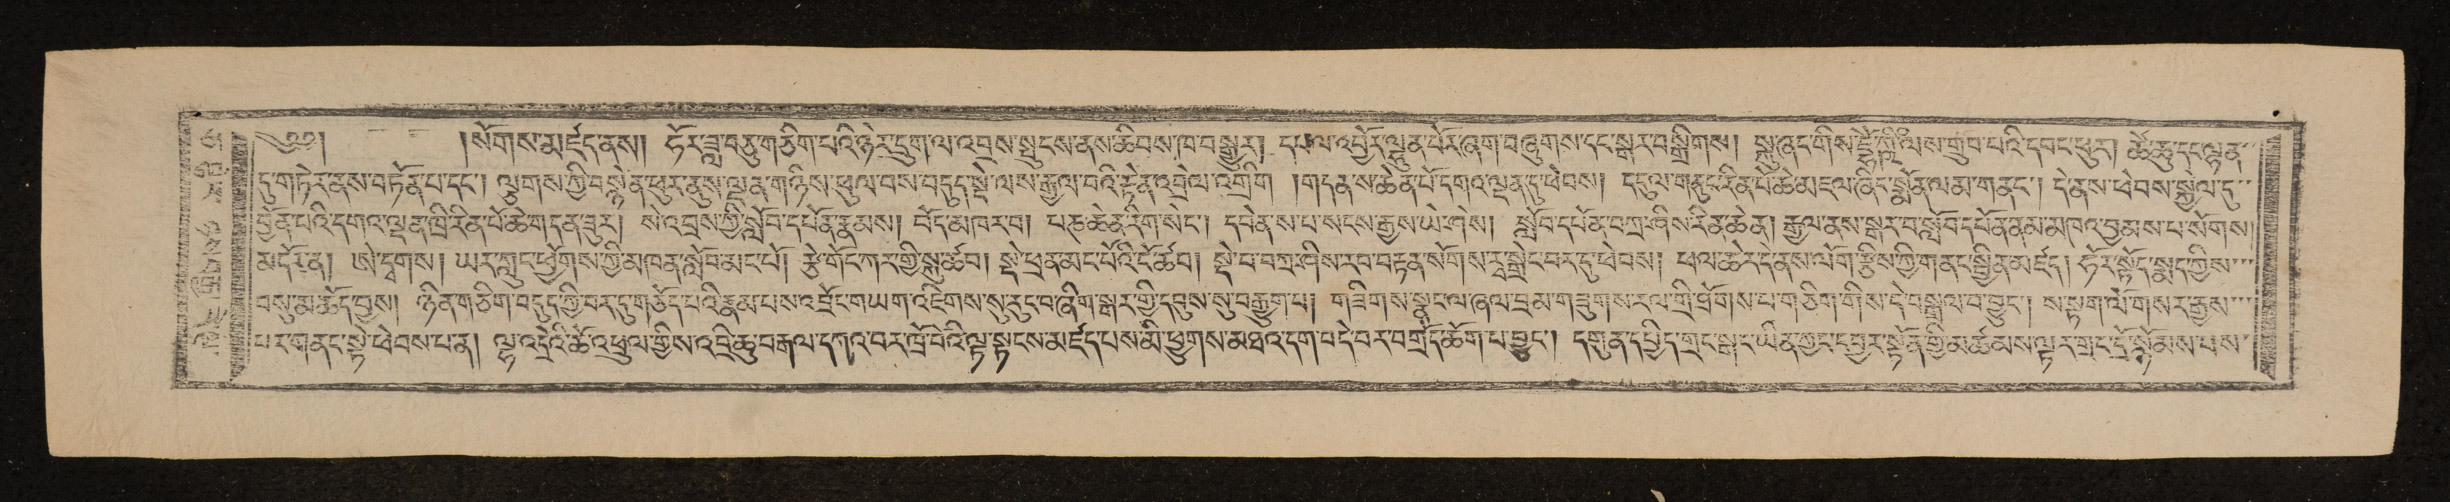༄༅། །སོགས་མཛད་ནས། ཧོར་ཟླ་བཅུ་གཅིག་པའི་ཉེར་དྲུག་ལ་འབྲས་སྤུངས་ནས་ཆིབས་ཁ་བསྒྱུར། དཔལ་འབྱོར་ལྷུན་པོར་ཞག་བཞུགས་དང་སྒར་བསྒྲིགས། སྐུ་ཞང་གིས་ཛྷཻ་ཀྵིཾ་ལས་གྲུབ་པའི་དབང་ཕུར། ཚེ་ཆུ་དང་ལྷན་
དུ་གཏེར་ནས་བཏོན་པ་དང་། ལྕགས་ཀྱི་བསྙེན་ཕུར་ནུས་ལྡན་གཉིས་ཕུལ་བས་བདུད་སྡེ་ལས་རྒྱལ་བའི་རྟེན་འབྲེལ་འགྲིག །གདན་ས་ཆེན་པོ་དགའ་ལྡན་དུ་ཕེབས། དངུལ་གདུང་རིན་པོ་ཆེ་མཇལ་ཞིང་སྨོན་ལམ་གནང་། དེ་ནས་ཕེབས་སྐྱེལ་དུ་
བྱོན་པའི་དགའ་ལྡན་ཁྲི་རིན་པོ་ཆེ་གདན་ཟུར། སེ་འབྲས་ཀྱི་སློབ་དཔོན་རྣམས། བོད་མཁར་བ། པཎ་ཆེན་རིག་སེང་། དབེན་ས་པ་སངས་རྒྱས་ཡེ་ཤེས། སློབ་དཔོན་བཀྲ་ཤིས་རིན་ཆེན། རྒྱལ་ནས་སྒར་བ་སློབ་དཔོན་ནམ་མཁའ་བྱམས་པ་སོགས་
མདོང་ན། ཨེ་དྭགས། ཡར་ཀླུང་ཕྱོགས་ཀྱི་མཁན་སློབ་མང་པོ། རྩེ་གོང་ཀར་གྱི་སྐུ་ཚབ། སྡེ་ཕྲན་མང་པོའི་ངོ་ཚབ། སྡེ་པ་བཀྲ་ཤིས་རབ་བརྟན་སོགས་རྭ་སྒྲེང་བར་དུ་ཕེབས། ཕལ་ཆེར་དེ་ནས་ལོག་རྩིས་ཀྱི་གནང་སྦྱིན་མཛད། ཧོར་སྟོད་སྨད་ཀྱིས་
བསུ་མཆོད་བྱས། ཉིན་གཅིག་བདུད་ཀྱི་བར་དུ་གཅོད་པའི་རྣམ་པས་འབྲོང་གཡག་འཇིགས་སུ་རུང་བ་ཞིག་སྒར་གྱི་དབུས་སུ་བརྒྱུག་པ། གཟིགས་སྣང་ལ་ཞལ་བྲམ་གཟུགས་རལ་གྲི་ཐོགས་པ་གཅིག་གིས་དེ་བསྒྲལ་བ་བྱུང་། ས་སྟག་ལོ་གསར་རྒྱས་
པར་གནང་སྟེ་ཕེབས་པ་ན། ལྷ་འདྲེའི་ཆོ་འཕྲུལ་གྱིས་འབྲི་ཆུ་བརྒལ་དཀའ་བར་ཁྲོ་བོའི་ལྟ་སྟངས་མཛད་པས་མི་ཕྱུགས་མཐའ་དག་བདེ་བར་བགྲོད་ཆོག་པ་བྱུང་། དགུན་དཔྱིད་གྲང་སྒང་ཡིན་ཀྱང་དབྱར་སྟོན་གྱི་མཚམས་ལྟར་གྲང་དྲོ་སྙོམས་པས་